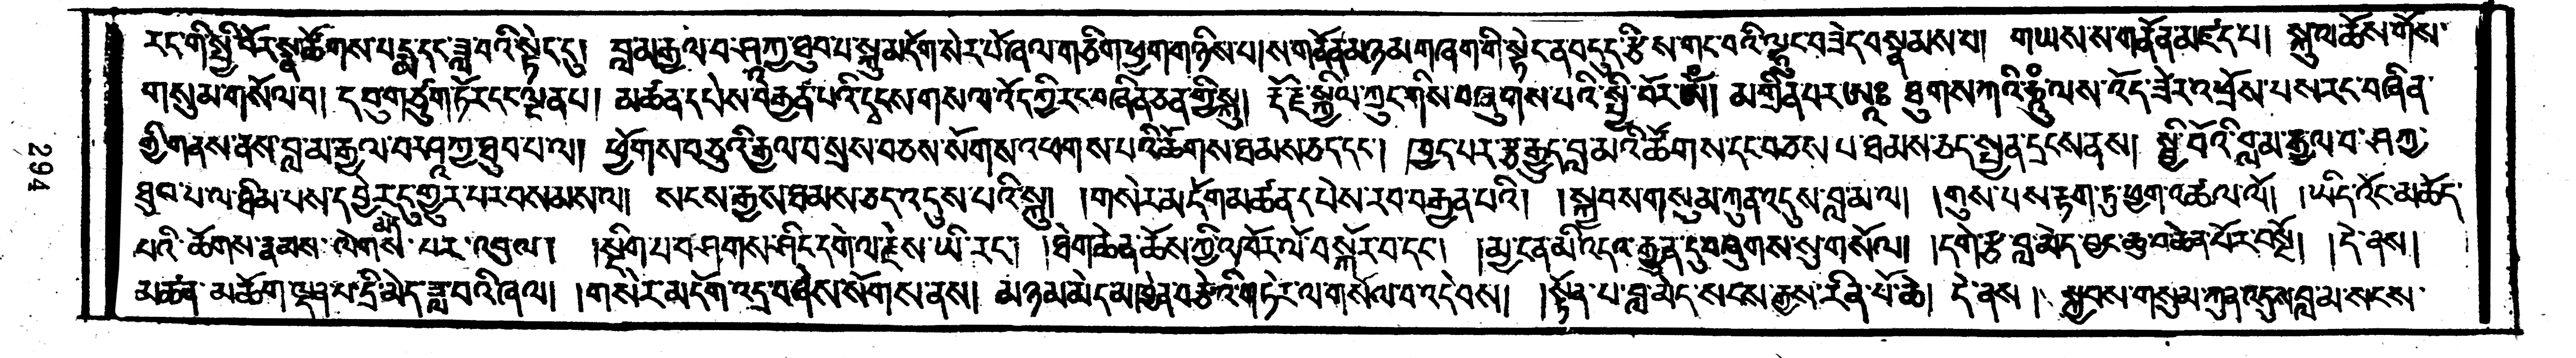རང་གི་སྤྱི་བོར་སྣ་ཚོགས་པདམ་དང་ཟླ་བའི་སྟེང་དུ། བླ་མ་རྒྱལ་བ་ཤཱཀྱ་ཐུབ་པ་སྐུ་མདོག་སེར་པོ་ཞལ་གཅིག་ཕྱག་གཉིས་པ། ས་གནོན་ཕྱག་གཡོན?་མཉམ་གཞག་གི་སྟེང་ན་བདུད་རྩིས་གང་བའི་ལྷུང་བཟེད་བསྣམས་པ། གཡས་ས་གནོན་མཛད་པ། སྐུ་ལ་ཆོས་གོས་
གསུམ་གསོལ་བ། དབུ་གཙུག་ཏོར་དང་ལྡན་པ། མཚན་དཔེས་བརྒྱན་པའི་དྭངས་གསལ་འོད་ཀྱི་རང་བཞིན་ཅན་གྱི་སྐུ། རྡོ་རྗེ་སྐྱིལ་ཀྲུང་གིས་བཞུགས་པའི་སྤྱི་བོར་ཨོཾ། མགྲིན་པར་ཨཱཿ ཐུགས་ཀའི་ཧཱུཾ་ལས་འོད་ཟེར་འཕྲོས་པས་རང་བཞིན་
གྱི་གནས་ནས་བླ་མ་རྒྱལ་བར་ཤཱཀྱ་ཐུབ་པ་ལ། ཕྱོགས་བཅུའི་རྒྱལ་བ་སྲས་བཅས་སོགས་འཕགས་པའི་ཆོགས་ཐམས་ཅད་དང་། ཁྱད་པར་རྩ་རྒྱུད་བླ་མའི་ཚོགས་དང་བཅས་པ་ཐམས་ཅད་སྤྱན་དྲངས་ནས། སྤྱི་བོའི་བླ་མ་རྒྱལ་བ་ཤཱཀྱ་
ཐུབ་པ་ལ་ཐིམ་པས་དབྱེར་མེད་དུ་གྱུར་པར་བསམས་ལ། སངས་རྒྱས་ཐམས་ཅད་འདུས་པའི་སྐུ། །གསེར་མདོག་མཚན་དཔེས་རབ་བརྒྱན་པའི། །སྐྱབས་གསུམ་ཀུན་འདུས་བླ་མ་ལ། །གུས་པས་རྟག་ཏུ་ཕྱག་འཚལ་ལོ། །ཡིད་འོང་མཆོད་
པའི་ཆོགས་རྣམས་ལེགས་པར་འབུལ། །སྡིག་པ་བཤགས་ཤིང་དགེ་ལ་རྗེས་ཡི་རང་། །ཐེག་ཆེན་ཆོས་ཀྱི་འཁོར་ལོ་བསྐོར་བ་དང་། །མྱ་ངན་མི་འདའ་རྒྱུན་དུ་བཞུགས་སུ་གསོལ། །དགེ་རྩ་བླ་མེད་བྱང་ཆུབ་ཆེན་པོར་བསྔོ། །དེ་ནས།
མཚན་མཆོག་ལྡན་པ་དྲི་མེད་ཟླ་བའི་ཞལ། །གསེར་མདོག་འདྲ་བ་ཞེས་སོགས་ནས། མཉམ་མེད་མཁྱེན་བརྩེའི་གཏེར་ལ་གསོལ་བ་འདེབས། །སྟོན་པ་བླ་མེད་སངས་རྒྱས་རིན་པོ་ཆེ། དེ་ནས། སྐྱབས་གསུམ་ཀུན་འདུས་བླ་མ་སངས་